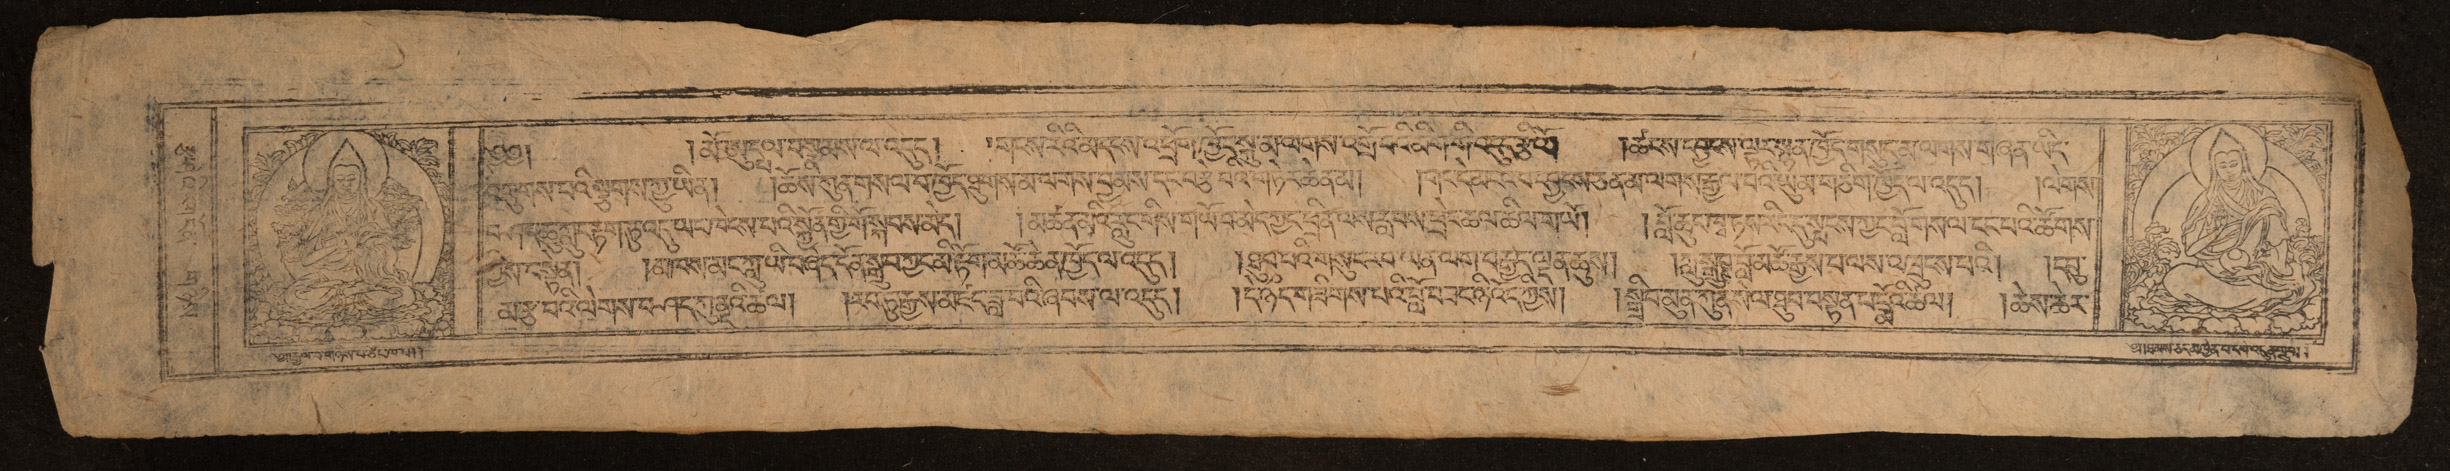༄༅། །མོ་ཨུདཔལ་བསྣམས་ལ་འདུད། །གངས་རིའི་མདངས་འཕྲོག་ཁྱོད་སྐུ་མ་ལགས་འགྲོ་བའི་མིག་གི་བདུང་རྩིའོ། །ཚངས་དབྱངས་ལྟར་སྙན་ཁྱོད་གསུང་མ་ལགས་གཞན་ཡིད་
འགུགས་པའི་ལྕགས་ཀྱུ་ཡིན། །ཆོས་ཀུན་གསལ་བ་ཁྱོད་ཐུགས་མ་ལགས་བྱམས་དང་བརྩེ་བའི་གཏེར་ཆེན་མ། །གང་དེ་མངའ་བ་དབྱངས་ཅན་མ་ལགས་རྒྱལ་བའི་ཡུམ་གཅིག་ཁྱོད་ལ་འདུད། །ལེགས་
བཤད་ཆུ་ཀླུང་རྟག་ཏུ་འདུ་ཡང་ཁེངས་པའི་སྐྱོན་གྱི་གོ་སྐབས་མེད། །མཚན་མའི་རླུང་གིས་གཡོ་བ་མེད་ཀྱང་ཕྲིན་ལས་རླབས་ཕྲེང་ཆལ་ཆིལ་གཡོ། །བློ་ཆུང་ཁྭ་ཏས་རིང་དུ་སྤངས་ཀྱང་བློ་གསལ་ངང་པའི་ཚོགས་
ཀྱིས་བསྟེན། །མཁས་མང་ཀླུ་ཡི་བཞེད་དོན་སྒྲུབ་ཀྱང་མི་རྟོག་མཚོ་ཆེན་ཁྱོད་ལ་འདུད། །ཐུབ་པའི་གསུང་རབ་ཡན་ལག་བརྒྱད་ལྡན་ཆུས། །ཀླུ་སྒྲུབ་བློ་མཚོ་རྒྱས་པ་ལས་འཁྲུངས་པའི། །དབུ་
མ་རྩ་བའི་ལེགས་བཤད་ཀུནྡའི་ཚལ། །རབ་ཏུ་རྒྱས་མཛད་ཟླ་བའི་ཞབས་ལ་འདུད། །དེ་ཉིད་གཟིགས་པའི་བློ་བཟང་ཉིད་འོད་ཀྱིས། །སྒྲིབ་མུན་ཀུན་སེལ་ཐུབ་བསྟན་པདམོའི་ཚིལ། །ཆེས་ཆེར་